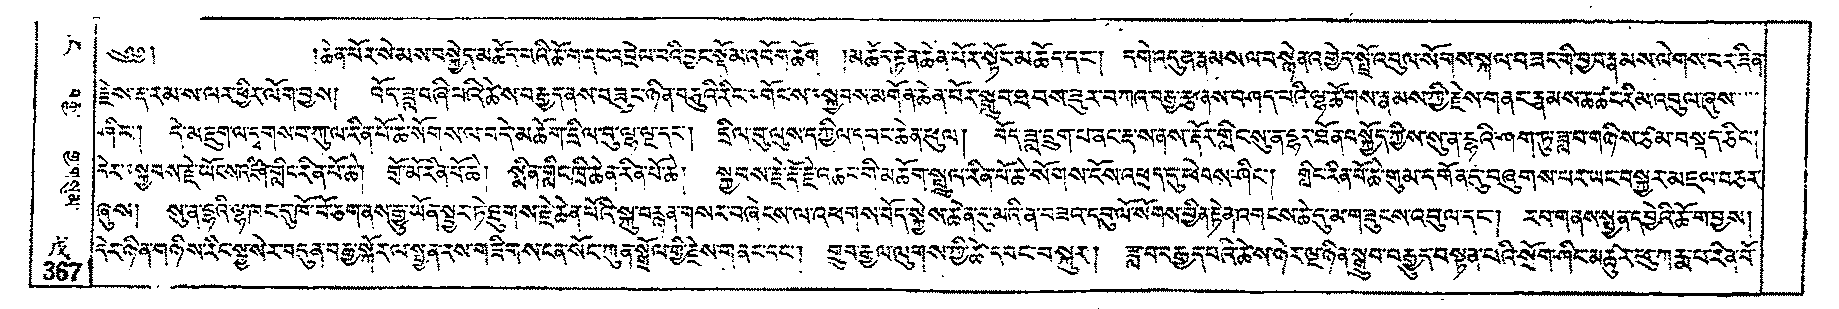༄༅། །ཆེན་པོར་སེམས་བསྐྱེད་མཆོད་པའི་ཆོ་ག་དང་འབྲེལ་བའི་བྱང་སྡོམ་འབོག་ཆོག །མཆོད་རྟེན་ཆེན་པོར་སྟོང་མཆོད་དང་། དགེ་འདུན་རྣམས་ལ་བསྙེན་འགྱེད་སྤྲོ་འབུལ་སོགས་སྐལ་བཟང་གི་བྱ་བ་རྣམས་ལེགས་པར་ཟིན་
རྗེས་རྡ་རམ་ས་ལར་ཕྱིར་ལོག་བྱས། བོད་ཟླ་བཞི་པའི་ཚེས་བརྒྱད་ནས་བཟུང་ཉིན་བཅུའི་རིང་༧གོང་ས་༧སྐྱབས་མགོན་ཆེན་པོར་སྒྲུབ་ཐབས་ཟུར་བཀའ་བརྒྱ་རྩ་ནས་བཤད་པའི་ལྷ་ཚོགས་རྣམས་ཀྱི་རྗེས་གནང་རྣམས་ཆ་ཚང་རིམ་འབུལ་ཞུས་
ཤིང་། དེ་མཇུག་ལ་དྭགས་བ་ཀུ་ལ་རིན་པོ་ཆེ་སོགས་ལ་བདེ་མཆོག་དྲིལ་བུ་ལྷ་ལྔ་དང་། དྲིལ་བུ་ལུས་དཀྱིལ་དབང་ཆེན་ཕུལ། བོད་ཟླ་དྲུག་པ་ནང་རྡ་ས་ནས་རྡོར་གླིང་སུ་ན་དྷར་ཐོན་བསྐྱོད་ཀྱིས་སུ་ན་དྷའི་ཤག་ཏུ་ཟླ་བ་གཉིས་ཙམ་བསྡད་ཅིང་།
དེར་༧སྐྱབས་རྗེ་ཡོངས་འཛིན་གླིང་རིན་པོ་ཆེ། གྲོ་མོ་རིན་པོ་ཆེ། སྨིན་གླིང་ཁྲི་ཆེན་རིན་པོ་ཆེ། སྐྱབས་རྗེ་རྡོ་རྗེ་འཆང་གི་མཆོག་སྤྲུལ་རིན་པོ་ཆེ་སོགས་ངོས་འཕྲད་དུ་ཕེབས་ཤིང་། གླིང་རིན་པོ་ཆེ་གུམ་དགོན་དུ་བཞུགས་པར་ཡང་བསྐྱར་མཇལ་བཅར་
ཞུས། སུ་ན་དྷའི་ལྷ་ཁང་དུ་ཁོ་བོ་ཅག་ནས་རྒྱུ་ཡོན་སྦྱར་ཏེ་ཐུགས་རྗེ་ཆེན་པོའི་སྐུ་བརྙན་གསར་བཞེངས་ལ་འཕགས་བོད་སྐྱེས་ཆེན་དུ་མའི་ན་བཟའ་དབུ་ལོ་སོགས་བྱིན་རྟེན་འགངས་ཆེ་དུ་མ་གཟུངས་འབུལ་དང་། རབ་གནས་སྤྱན་དབྱེའི་ཆོ་ག་བྱས།
དེར་ཉིན་གཉིས་རིང་སྐྱ་སེར་བདུན་བརྒྱ་སྐོར་ལ་སྤྱན་རས་གཟིགས་ངན་སོང་ཀུན་སྒྲོལ་གྱི་རྗེས་གནང་དང་། གྲུབ་རྒྱལ་ལུགས་ཀྱི་ཚེ་དབང་བསྐུར། ཟླ་བ་བརྒྱད་པའི་ཚེས་ཉེར་ལྔ་ཉིན་སྒྲུབ་བརྒྱུད་བསྟན་པའི་སྲོག་ཤིང་མཚུར་ཕུ་ཀརྨ་པ་རིན་པོ་